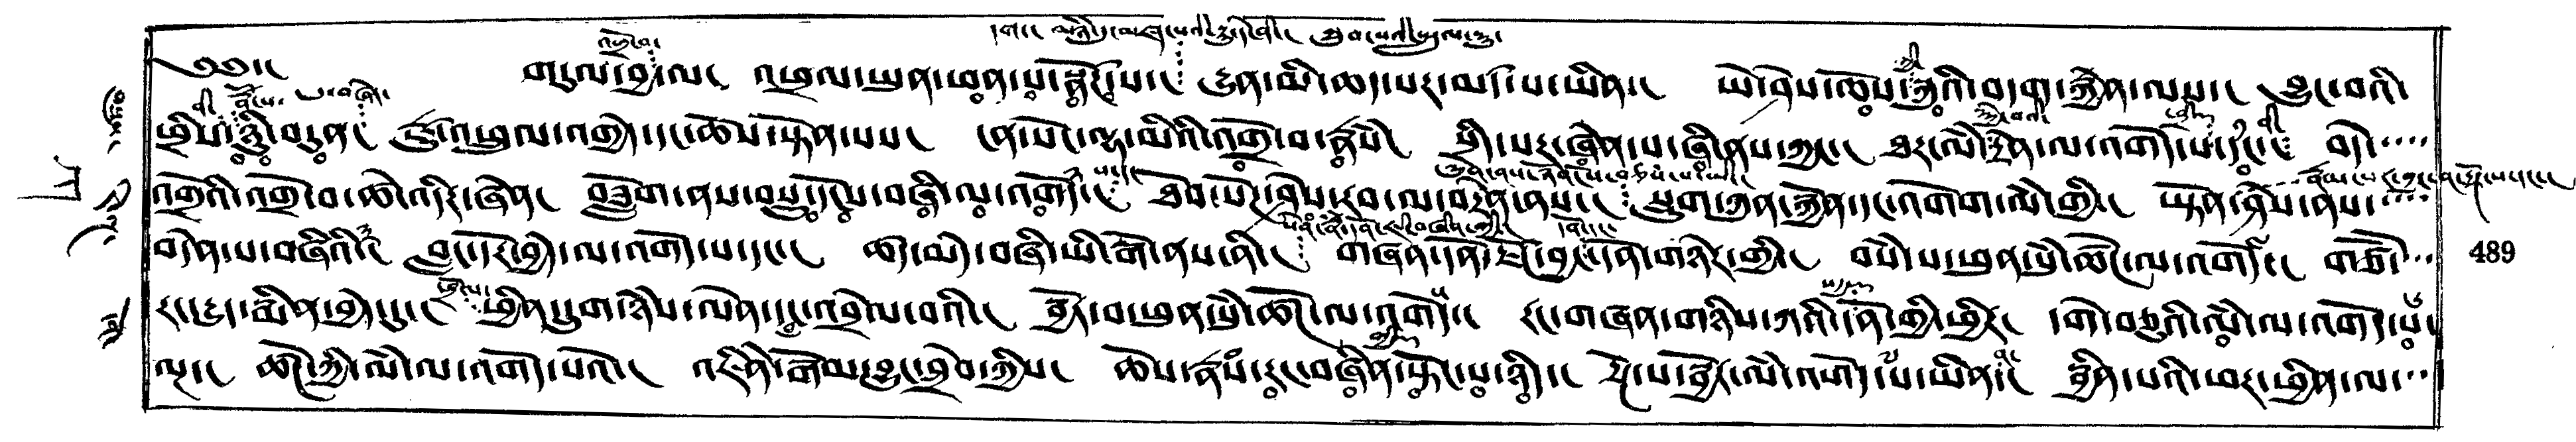གདུལ་བྱ་འགྲོ་བ་ལ། །འཕྲལ་ཡུན་ཕན་པ་སྣ་ཚོགས་པ།། དག་མཉམ་དུ་མཛད་པའི་སྐུ་དེ་ནི། །ཐུབ་པའི་སྤྲུལ་སྐུ་རྒྱུན་མི་ཆད་པར་མཛད་པ་ཡིན། །ཡེ་ཤེས་ཆོས་སྐུའི་བདག་རྐྱེན་ལས། །བྱུང་བའི་
ཕྲིན་ལས་ནི་རྣམ་པ་ཉི་ཤུ་བདུན།། དུ་བཞེད། རྫུ་འཕྲུལ་འགྱེད་དང་ཆོས་སྟོན་པས། །ངན་སོང་ལྷ་མིའི་འགྲོ་བ་རྣམས། །སྲིད་པར་ཞེན་པ་ཞི་ནས་ཀྱང་། །ཐར་ལམ་སྐྱེ་བའི་རྟེན་ལ་འགོད་ཕྲིན་ལས་པ་དང་། །བདེ་
འགྲོའི་འགྲོ་བ་ཚེ་འདིར་ཞེན། །བཟློག་ནས་བསྡུ་དངོས་བཞི་ལ་འགོད། །ཐོས་སོགས་ཤེས་རབ་ལ་བརྟེན་ནས།། ཀུན་ནས་ཉོན་མོངས་བཅས་པ་ཡི། སྡུག་ཀུན་སྐྱོན་དང་འགོག་ལམ་གྱི། །ཡོནཏན་ཤེས་རྣམ་པར་བྱང་ན་རྟོགས་པ་དང་། ནས་
བདེན་པ་བཞིའི། །བླང་དོར་བྱེད་ལ་འགོད་པ་དང་། །ཚད་མེད་བཞི་ཡི་སྒོ་ནས་ནི།། སེམས་ཅན་རྣམ་དོན་ཇི་བཞིན་གྱི། གཞན་དོན་རྫོགས་བྱང་དོན་དང་དོན་གཉེར་གྱི། །བསམ་པ་ཕུན་སུམ་ཚོགས་ལ་འགོད། །གཙོ་བོ་
རང་རྒྱུད་སྨིན་བྱེད་དུ།། ཕ་རོལ་ཕྱིན་དྲུག་ཉམས་ལེན་དང་འབྲེལ་བའི། །སྦྱོར་བ་ཕུན་སུམ་ཚོགས་ལ་འགོད། །རང་གཞན་གཉིས་ཀའི་སངས་རྒྱས་དོན་གྱི་ཕྱིར། །དགེ་བཅུའི་ལམ་ལ་འགོད་པ་
ལྔ། །ཚོགས་ཀྱི་ལམ་ལ་འགོད་པའོ། །འཇིག་རྟེན་སྒོམ་བྱུང་ཤེས་རབ་ཀྱིས། །ཆོས་རྣམས་རང་བཞིན་གྱིས་སྟོང་པ་ཉིད། །རྟོགས་པ་སྦྱོར་ལམ་འགོད་པ་ཡིན། །སྦྱིན་པའི་ཕར་ཕྱིན་ལ་